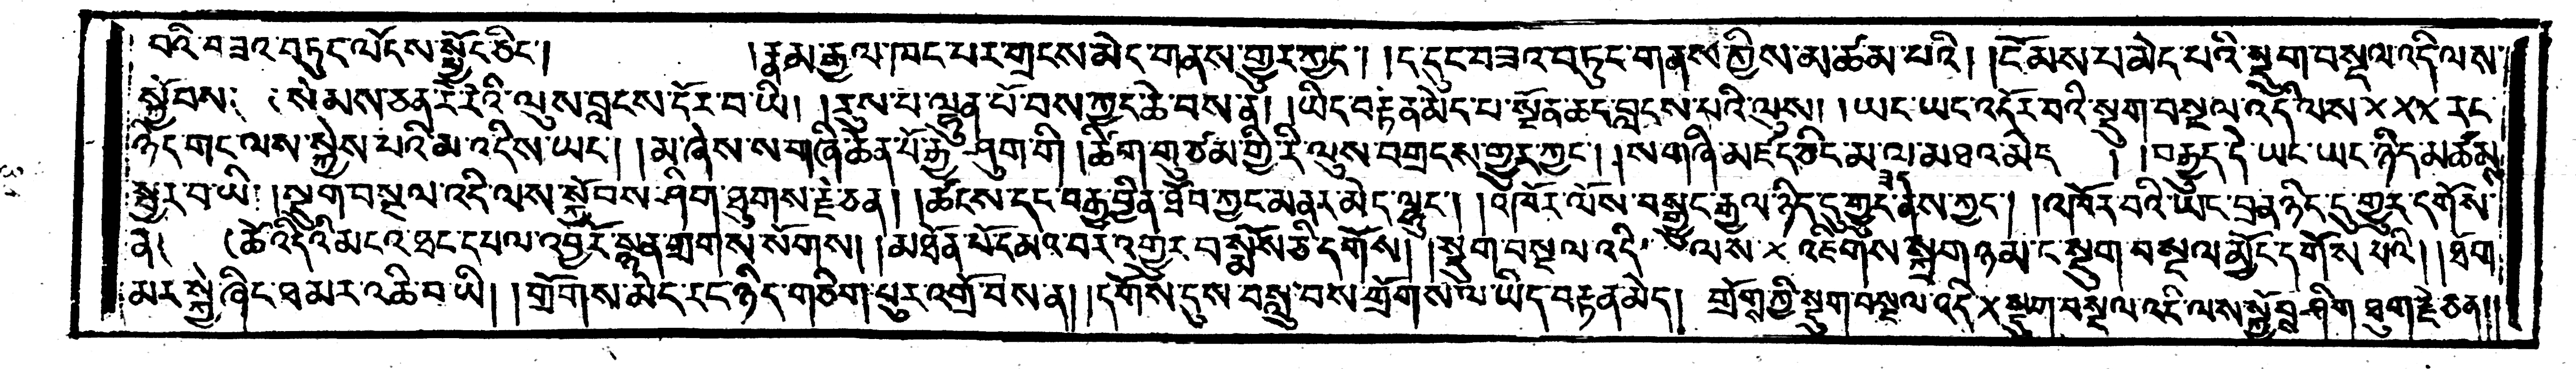བའི་བཟའ་བཏུང་ལོངས་སྤྱོང་ཅིང་། །རྣམ་རྒྱལ་ཁང་པར་གྲངས་མེད་གནས་གྱུར་ཀྱང་། །ད་དུང་བཟའ་བཏུང་གནས་ཀྱིས་མ་ཚམ་པའི། །ངོམས་པ་མེད་པའི་སྡུག་བསྔལ་འདི་ལས་
སྐྱོབས༑ ༑སེམས་ཅན་རེ་རེའི་ལུས་བླངས་དོར་བ་ཡི། །རུས་པ་ལྷུན་པོ་བས་ཀྱང་ཆེ་བས་ན། །ཡིད་བརྟན་མེད་པ་སྔོན་ཆད་བླངས་པའི་ལུས། །ཡང་ཡང་འདོར་བའི་སྡུག་བསྔལ་འདི་ལས་྾་྾་྾་རང་
ཉིད་གང་ལས་སྐྱེས་པའི་མ་འདིས་ཡང་། །མ་ཞེས་ས་གཞི་ཆེན་པོ་རྒྱ་ཤུག་གི །ཚིག་གུ་ཙམ་གྱི་རི་ལུས་བགྲངས་གྱུར་ཀྱང་། །ས་གཞི་མཛད་ཅིང་མ་ཟད་ལ་མཐའ་མེད་། །བརྒྱུད་དེ་ཡང་ཡང་ཉིད་མཚམས་
སྦྱར་བ་ཡི། །སྡུག་བསྔལ་འདི་ལས་སྐྱོབས་ཤིག་ཐུགས་རྗེ་ཅན། །ཚངས་དང་བརྒྱ་བྱིན་ཐོབ་ཀྱང་མནར་མེད་ལྷུང་། །འཁོར་ལོས་བསྒྱུང་རྒྱལ་ཉིད་དུ་གྱུད་ནས་ཀྱང་། །འཁོར་བའི་ཡང་བྲན་ཉིད་དུ་གྱུར་དགོས་
ན༑ ༑ཚེ་འདིའི་མངའ་ཐང་དཔལ་འབྱོར་སྙན་གྲགས་སོགས། །མཐོན་པོ་དམའ་བར་འགྱུར་བ་སྨོས་ཅི་དགོས། །སྡུག་བསྔལ་འདི་ལས་྾་འཇིགས་སྐྲག་ཉམ་ང་སྡུག་བསྔལ་མྱོང་དགོས་པའི། །ཐོག་
མར་སྐྱེ་ཞིང་ཐ་མར་འཆི་བ་ཡི། །གྲོགས་མེད་རང་ཉིད་གཅིག་པུར་འགྲོ་བས་ན། །དགོས་དུས་བསླུ་བས་གྲོགས་ལ་ཡིད་བརྟན་མེད། གྲོགས་ཀྱི་སྡུག་བསྔལ་འདི་྾་སྡུག་བསྔལ་འདི་ལས་སྐྱོབས་ཤིག་ཐུགས་རྗེ་ཅན།།